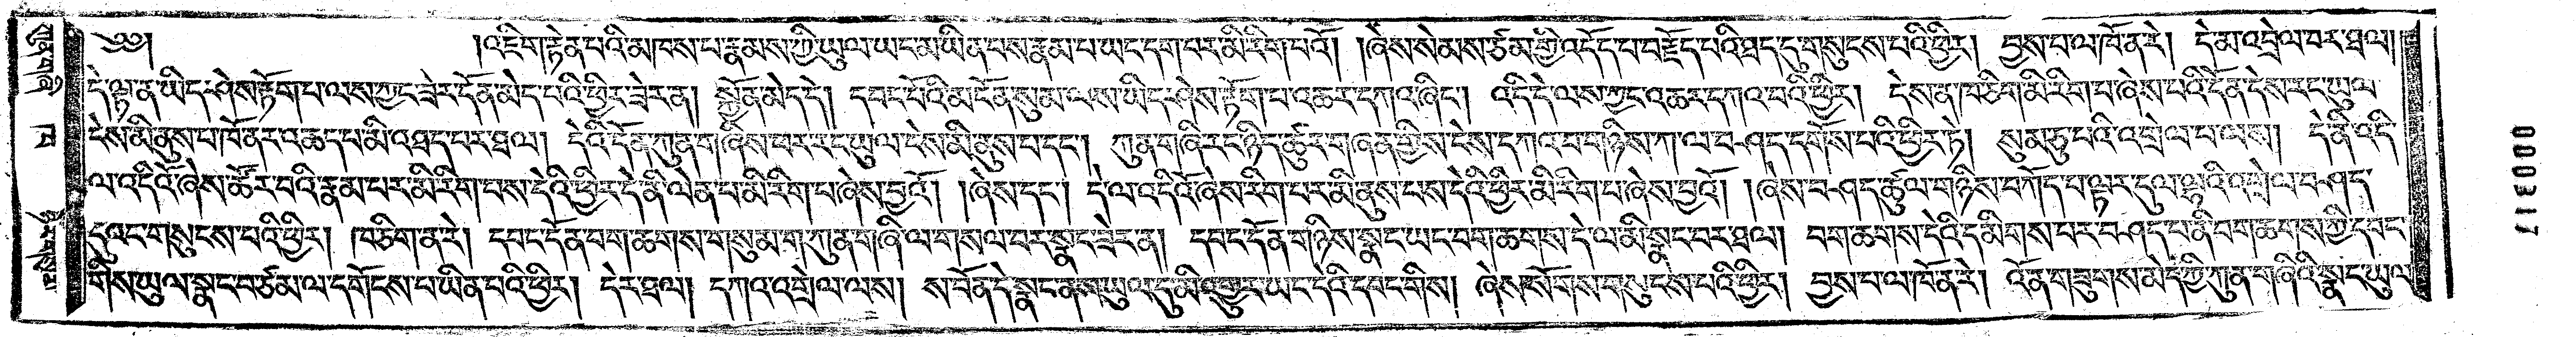༄༅། །འཇིག་རྟེན་པའི་མཁས་པ་རྣམས་ཀྱི་ཡུལ་ཡང་མ་ཡིན་པས་རྣམ་པ་ཡང་དག་པར་མི་རིག་པའོ། །ཞེས་སེམས་ཙམ་གྱི་འདོད་པ་བརྗོད་པའི་ཐད་དུ་གསུངས་པའི་ཕྱིར། བྱས་པ་ལ་ཁོ་ན་རེ། དེ་མ་འབྲེལ་བར་ཐལ།
དེ་ལྟ་ན་ཡིད་ཤེས་རྟོགས་པ་ལས་ཀྱང་ཟེར་དོན་མེད་པའི་ཕྱིར་ཟེར་ན། སྐྱོན་མེད་དེ། དབང་པོའི་མངོན་སུམ་ལས་ཡིད་ཤེས་རྟོག་པ་འཆར་དཀའ་ཞིང་། འདི་དེ་ལས་ཀྱང་འཆར་དཀའ་བའི་ཕྱིར། དེས་ན་ཁ་ཅིག་མི་རིག་པ་ཞེས་པའི་དོན་དེས་རང་ཡུལ་
ངེས་མི་ནུས་པ་ཁོ་ནར་འཆད་པ་མི་འཐད་པར་ཐལ། དེའི་དོན་ཀུན་གཞིས་ཕར་རང་ཡུལ་ངེས་མི་ནུས་པ་དང་། ཀུན་གཞི་རང་ཉིད་ཚུར་གཞན་གྱིས་ངེས་དཀའ་བ་གཉིས་ཀ་ལ་བཤད་དགོས་པའི་ཕྱིར་ཏེ། སུམ་ཅུ་པའི་འགྲེལ་པ་ལས། དེ་ནི་འདི་
ལ་འདིའོ་ཞེས་ཚོར་བའི་རྣམ་པར་མི་རིག་པས་དེའི་ཕྱིར་དེ་ནི་ལེན་པ་མི་རིག་པ་ཞེས་བྱའོ། །ཞེས་དང་། དེ་ལ་འདིའོ་ཞེས་རིག་པར་མི་ནུས་པས་དེའི་ཕྱིར་མི་རིག་པ་ཞེས་བྱའོ། །ཞེས་བཤད་ཚུལ་གཉིས་བཀོད་པ་ལྟར་དུལ་ལྷའི་འགྲེལ་བཤད་
དུའང་གསུངས་པའི་ཕྱིར། ཁ་ཅིག་ན་རེ། དབང་དོན་བག་ཆགས་གསུམ་ག་ཀུན་གཞི་ལ་གསལ་བར་སྣང་ཟེར་ན། དབང་དོན་གཉིས་སྣང་ཡང་བག་ཆགས་དེ་ལ་མི་སྣང་བར་ཐལ། བག་ཆགས་དེའི་དམིགས་པར་བཤད་པ་ནི་བག་ཆགས་ཀྱི་དབང་
གིས་ཡུལ་སྣང་བ་ཙམ་ལ་དགོངས་པ་ཡིན་པའི་ཕྱིར། དེར་ཐལ། དཀའ་འགྲེལ་ལས། ས་བོན་དེ་སྣང་ནས་ཡུལ་དུ་མི་འགྱུར་ཡང་དེའི་དབང་གིས། ཞེས་སོགས་གསུངས་པའི་ཕྱིར། བྱས་པ་ལ་ཁོ་ན་རེ། འོན་གཟུགས་མེད་ཀྱི་ཀུན་གཞིའི་སྣང་ཡུལ་